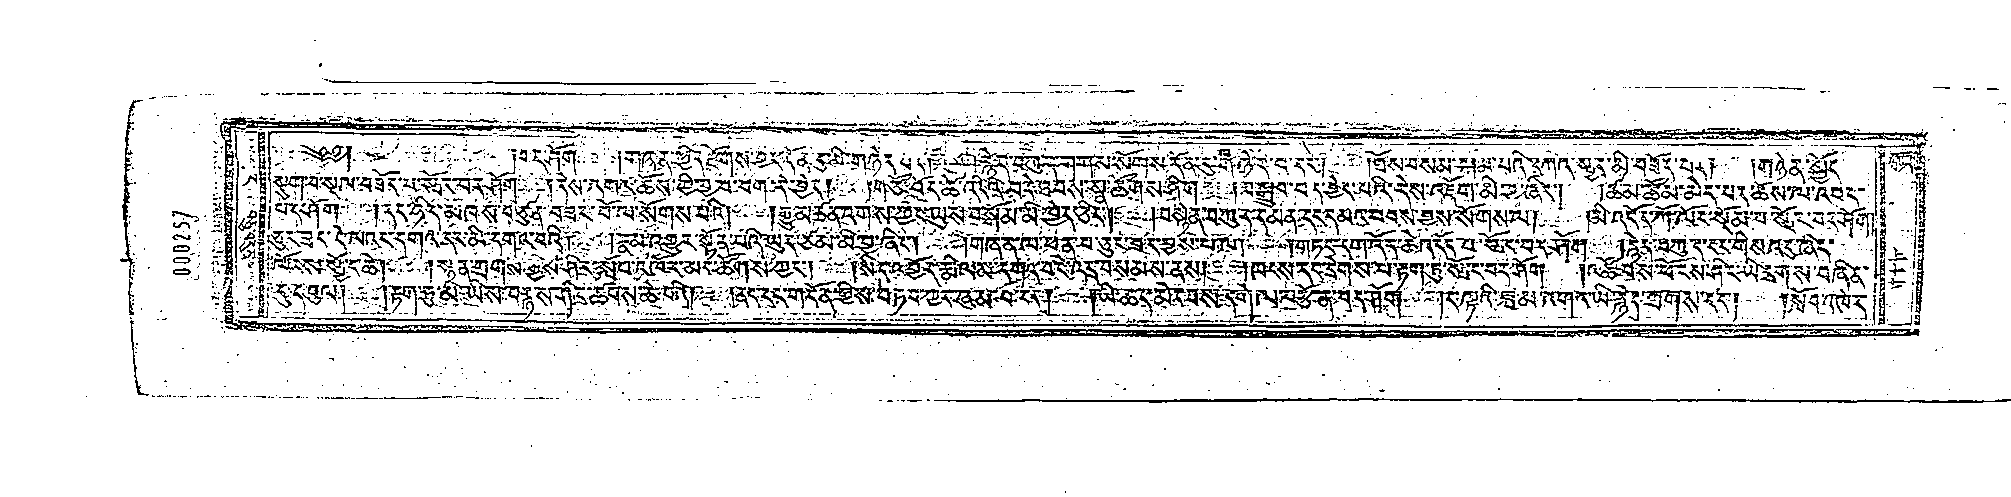༄༅། །བར་ཤོག །གཞན་ཕྱིར་རྫོགས་བྱད་དོན་དུ་མི་གཉེར་བར། །རྙེད་བཀུར་གགས་སོགས་དོན་དུ་གཉེར་བ་དང་། །ཐོས་བསམ་སྐམ་པའི་དཀའ་སྤྱད་མི་བཟོད་པར། གཉེན་སྐྱོང་
སྡུག་བསྔལ་བཟོད་པ་སྤོང་བར་ཤོག །དེས་འགའ་ཆོས་ཀྱི་བྱ་བ་བག་རེ་བྱེད། །གཙོ་བོར་ཚེ་འདིའི་བདེ་ཐབས་སྣ་ཚོགས་ཤིག །བསྒྲུབ་བར་བྱེད་པའི་རེས་འཇོག་མི་བྱ་ཞིང་། །ཚམ་ཚོམ་མེད་པར་ཆོས་ལ་འབད་
པར་ཤོག །རང་ཉིད་མཁས་བཙུན་བཟང་བོ་ལ་སོགས་པའི། །རྒྱུ་མཚན་འགས་ཀྱང་ཡུས་བསྒོམ་མི་བྱེད་ཅིང་། །བསྙན་བཀུར་དམན་དང་དམའ་བབས་བྱས་སོགས་ལ། །མི་འདོད་ཀོ་ལོང་སྡོམ་པ་སྤོང་བར་ཤོག།
ཅུང་ཟད་དེ་ལའང་དགའ་དང་མི་དགའ་བའི། །རྣམ་འགྱུར་སྟོན་པའི་ཡུད་ཙམ་མི་བྱ་ཞིང་། །གཞན་ལ་ཕན་པ་ཅུང་ཟད་བྱས་པ་ལ། །གཏང་རག་འོད་ཆེ་འདོད་པ་སྤོང་བར་ཤོག །རྙེད་བཀུར་རང་གིས་འདུ་ཞིང་
ལོངས་སྤྱོད་ཆེ། །སྙན་གྲགས་རྒྱས་ཤིང་སློབ་འཁོར་མང་ཚོགས་ཀྱང་། །སྲིད་འབྱོར་རྨི་ལམ་དགའ་བདེ་འདྲ་བསམས་ནས། །ཁངས་དང་དྲེགས་པ་རྟག་ཏུ་སྤོང་བར་ཤོག །འཚོ་བས་ཕོངས་ཤིང་ཡི་དྭགས་བཞིན་
དུ་དབུལ། །རྟག་ཏུ་མི་ཡིས་བརྙས་ཤིང་ཚབས་ཆེ་བའི། །ནང་དད་གདོན་གྱིས་བཏབ་ཀྱང་ཞུམ་བ་དང་། །ཡི་ཆད་མེད་བས་དགེ་བླ་བརྩོན་བར་ཤོག །ད་ལྟའི་བླ་མ་འགའ་ཡི་རྙེད་གྲགས་དང་། །སློབ་འཁོར་